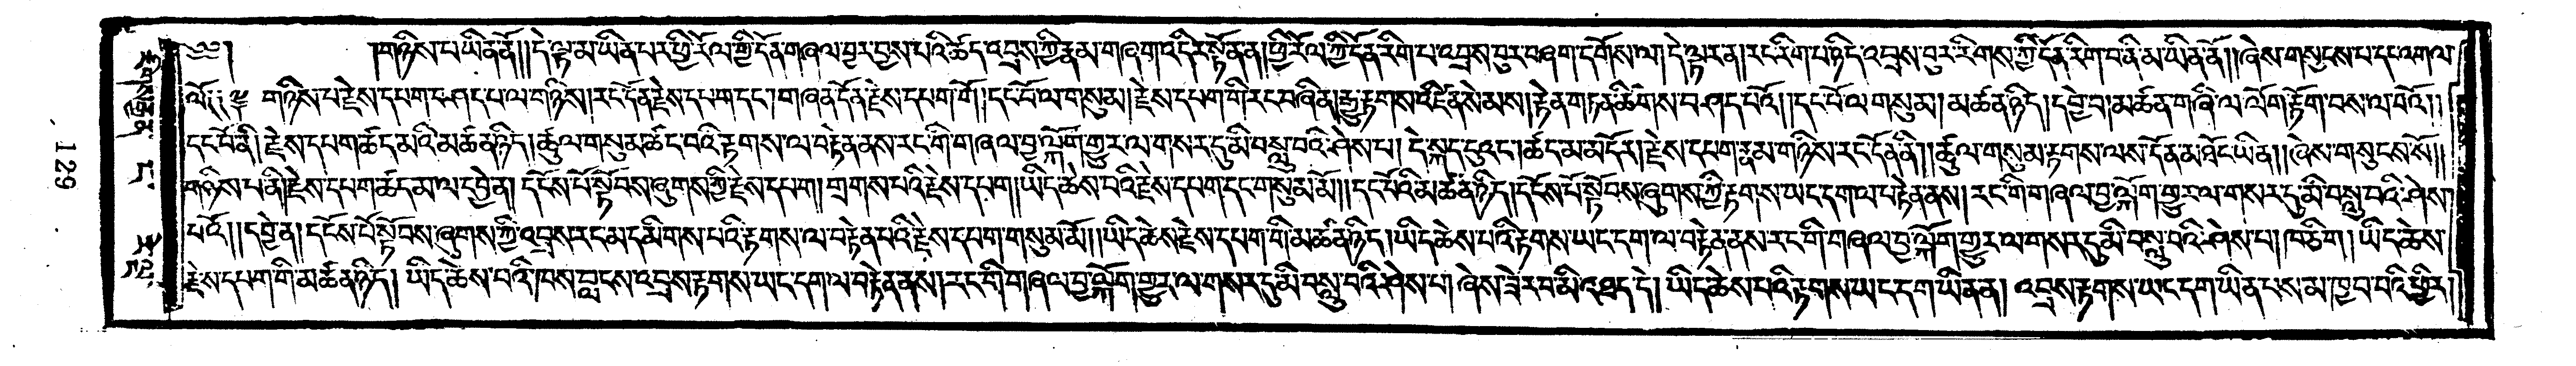༄༅། །གཉིས་པ་ཡིན་ན། །དེ་ལྟ་མ་ཡིན་པར་ཕྱི་རོལ་ཀྱི་དོན་གཞལ་བྱར་བྱས་པའི་ཚད་འབྲས་ཀྱི་རྣམ་གཞག་འདིར་སྟོན་ན། ཕྱི་རོལ་གྱི་དོན་རིག་པ་འབྲས་བུར་བཞག་དགོས་ལ། དེ་ལྟར་ན། རང་རིག་པ་ཉིད་འབྲས་བུར་རིགས་ཀྱི་དོན་རིག་པ་ནི་མ་ཡིན་ནོ། །ཞེས་གསུངས་པ་དང་འགལ་
ལོ༑༑ ༈ གཉིས་པ་རྗེས་དཔག་བཤད་པ་ལ་གཉིས། རང་དོན་རྗེས་དཔག་དང་། གཞན་དོན་རྗེས་དཔག་གོ །དང་པོ་ལ་གསུམ། རྗེས་དཔག་གི་རང་བཞིན། རྒྱུ་རྟགས་འཛིན་སེམས། རྟེན་གཏན་ཚིགས་བཤད་པའོ། །དང་པོ་ལ་གསུམ། མཚན་ཉིད། དབྱེ་བ། མཚན་གཞི་ལ་ལོག་རྟོག་བསལ་བའོ། །
དང་པོ་ནི། རྗེས་དཔག་ཚད་མའི་མཚན་ཉིད། ཚུལ་གསུམ་ཚང་བའི་རྟགས་ལ་བརྟེན་ནས་རང་གི་གཞལ་བྱ་ལྐོག་གྱུར་ལ་གསར་དུ་མི་བསླུ་བའི་ཤེས་པ། དེ་སྐད་དུའང་། ཚད་མ་མདོར། རྗེས་དཔག་རྣམ་གཉིས་རང་དོན་ནི། །ཚུལ་གསུམ་རྟགས་ལས་དོན་མཐོང་ཡིན། །ཞེས་གསུངས་སོ།།
གཉིས་པ་ནི། རྗེས་དཔག་ཚད་མ་ལ་དབྱེ་ན། དངོས་པོ་སྟོབས་ཞུགས་ཀྱི་རྗེས་དཔག །གྲགས་པའི་རྗེས་དཔག །ཡིད་ཆེས་པའི་རྗེས་དཔག་དང་གསུམ་མོ། །དང་པོའི་མཚན་ཉིད། དངོས་པོ་སྟོབས་ཞུགས་ཀྱི་རྟགས་ཡང་དག་ལ་བརྟེན་ནས། རང་གི་གཞལ་བྱ་ལྐོག་གྱུར་ལ་གསར་དུ་མི་བསླུ་བའི་ཤེས་
པའོ། །དབྱེ་ན། དངོས་པོ་སྟོབས་ཞུགས་ཀྱི་འབྲས་རང་མ་དམིགས་པའི་རྟགས་ལ་བརྟེན་པའི་རྗེས་དཔག་གསུམ་མོ། །ཡིད་ཆེས་རྗེས་དཔག་གི་མཚན་ཉིད། ཡིད་ཆེས་པའི་རྟགས་ཡང་དག་ལ་བརྟེན་ནས་རང་གི་གཞལ་བྱ་ལྐོག་གྱུར་ལ་གསར་དུ་མི་བསླུ་བའི་ཤེས་པ། ཁ་ཅིག །ཡིད་ཆེས་
རྗེས་དཔག་གི་མཚན་ཉིད། ཡིད་ཆེས་པའི་ཁས་བླངས་འབྲས་རྟགས་ཡང་དག་ལ་བརྟེན་ནས། རང་གི་གཞལ་བྱ་ལྐོག་གྱུར་ལ་གསར་དུ་མི་བསླུ་བའི་ཤེས་པ། ཞེས་ཟེར་བ་མི་འཐད་དེ། ཡིད་ཆེས་པའི་རྟགས་ཡང་དག་ཡིན་ན། འབྲས་རྟགས་ཡང་དག་ཡིན་པས་མ་ཁྱབ་པའི་ཕྱིར།